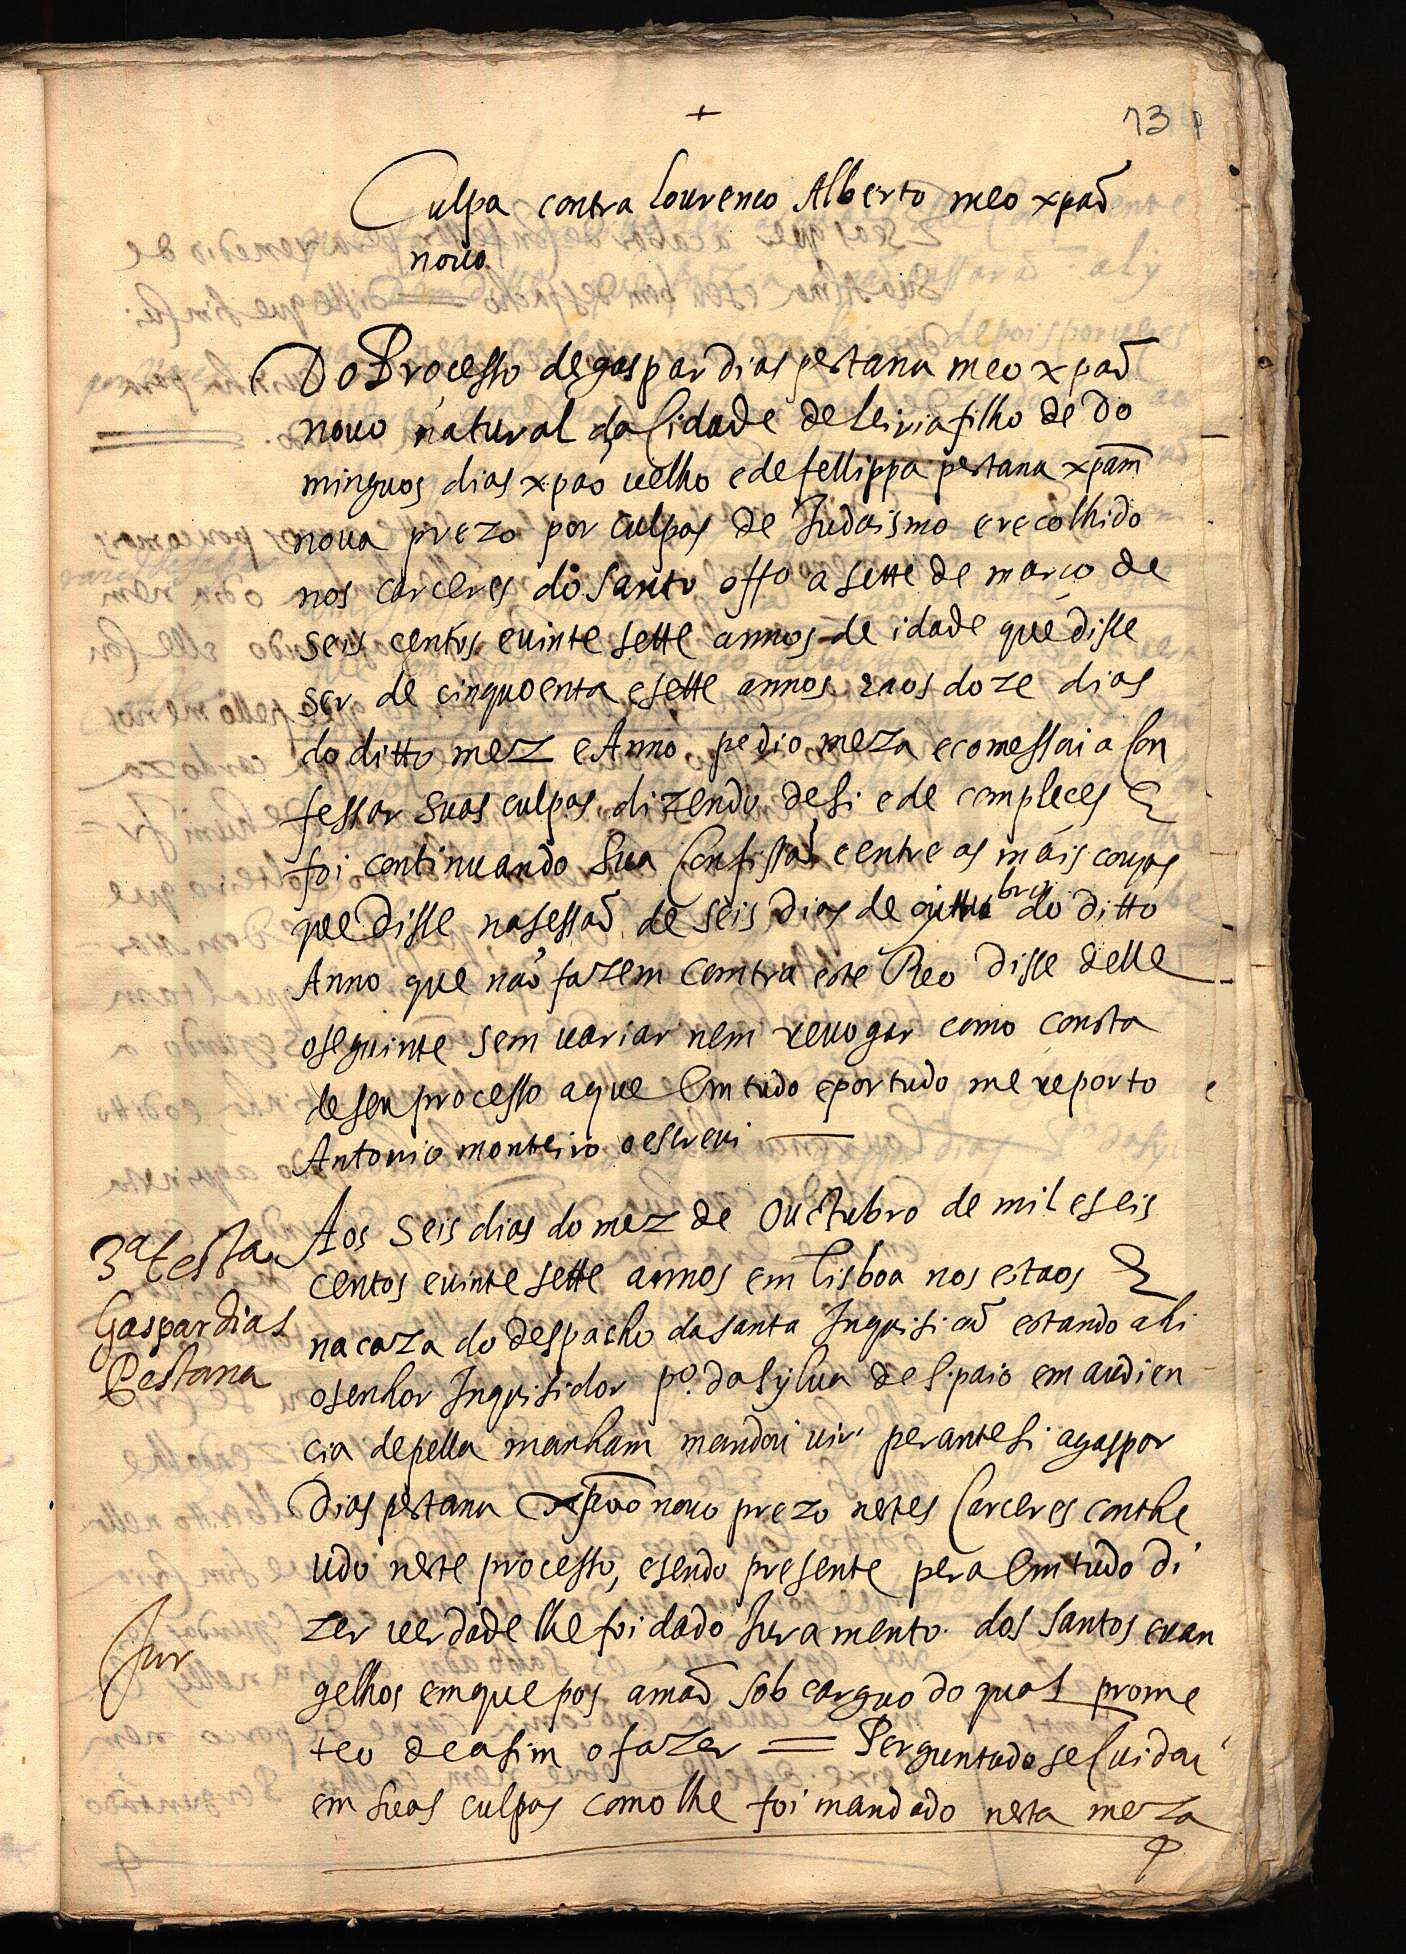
Culpa contra Lourenco Alberto meo xpaõ
nouo
Do Proçesso de gaspar dias pestana meo xpaõ
nouo natural da Cidade de Leiria filho de do
minguos dias xpaõ uelho e de fellipa pestana xp̄am
noua prezo por culpas de Judaismo e recolhido
nos carceres do santo offo a sette de março de
seiscentos e uinte sette annos de idade que disse
ser de cinquoenta e sette annos E aos doze dias
do ditto mez e Anno pedio meza e comessou a Con
fessar suas culpas dizendo de si e de compleçes E
foi continuando sua Confissaõ e entre as mais couzas
que disse na sessaõ de seis dias de outtubro do ditto
Anno que naõ fazem comtra este Reo disse delle
o seguinte sem uariar nem reuogar como consta
de seu processo a que em tudo e por tudo me reporto
Antonio monteiro o escreui
Aos seis dias do mez de Octubro de mil e seis
centos e uinte sette annos em lisboa nos estaos E
na caza do despacho da santa Jnquisicaõ estando ahi
o senhor Jnquisidor p.o da sylua de s.paio em audien
çia de pella manham mandou uir perante si a gaspar
dias pestana xpão nouo prezo nestes Carceres conthe
udo neste processo, e sendo presente pera em tudo di
zer uerdade lhe foi dado Juramento dos santos euan
gelhos em que pos a maõ sob carguo do quaL prome
teo de asim o fazer == Perguntado se Cuidou
em suas culpas como lhe foi mandado nesta meza
